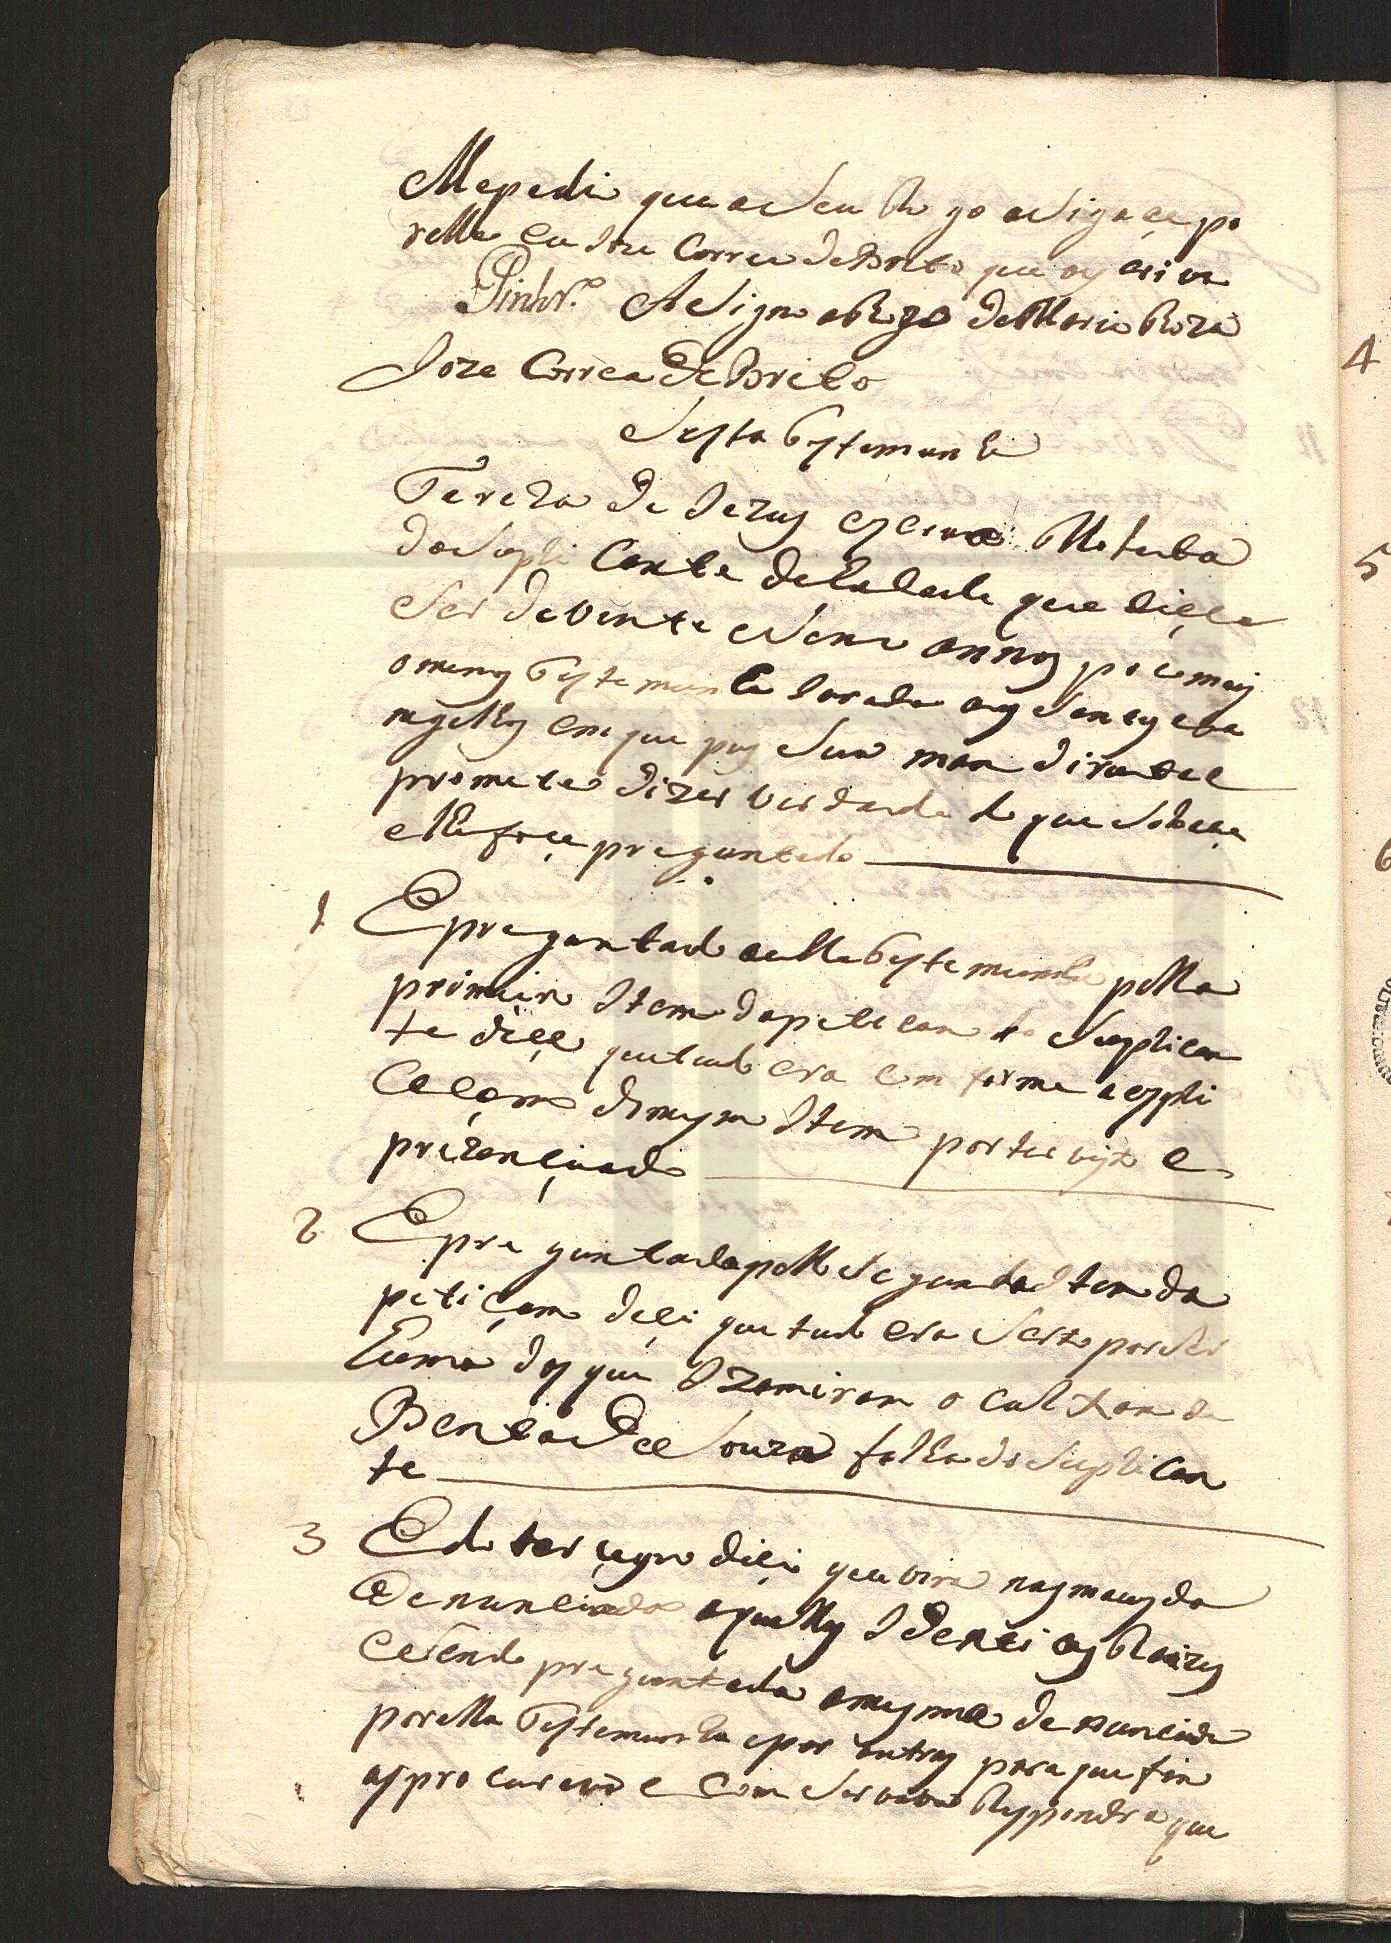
2
3
1
Me pedio que a seu Rogo asignaçe po
r elle eu Ioze Correa de Brito que o escrivi
Asigno a Rogo de Mario Roza
Sesta Testemunha
Tereza de Iezus escrava Motuba
do suplicante de dehaleite que diçia
ser de vinte e sinco annos poco mais
o menos Testemunha Iorada aos santos eva
ngelhos em que pus sua man direita e
prometeo dizer verdade de que sobeçe
e lhe foçe preguntado
E preguntado a ella Testemunha pella
primeiro Item da piticam do suplican
te diçe que tudo era conforme a espli
caçam do mesmo Item por ter visto e
prezençiado
E preguntada pello segundo Item da
petiçam deçi que tudo era serto por ser
huma dos que Izamiram o culxam de
Benta de souza filha do suplican
te
E do terceyro diçi que vira nas maos da
denunciada aquellas Identicas Raizes
e sendo preguntada a mesma denunciada
por ella Testemunha e por outras para que fin
as procuram e comservam Respondra que
